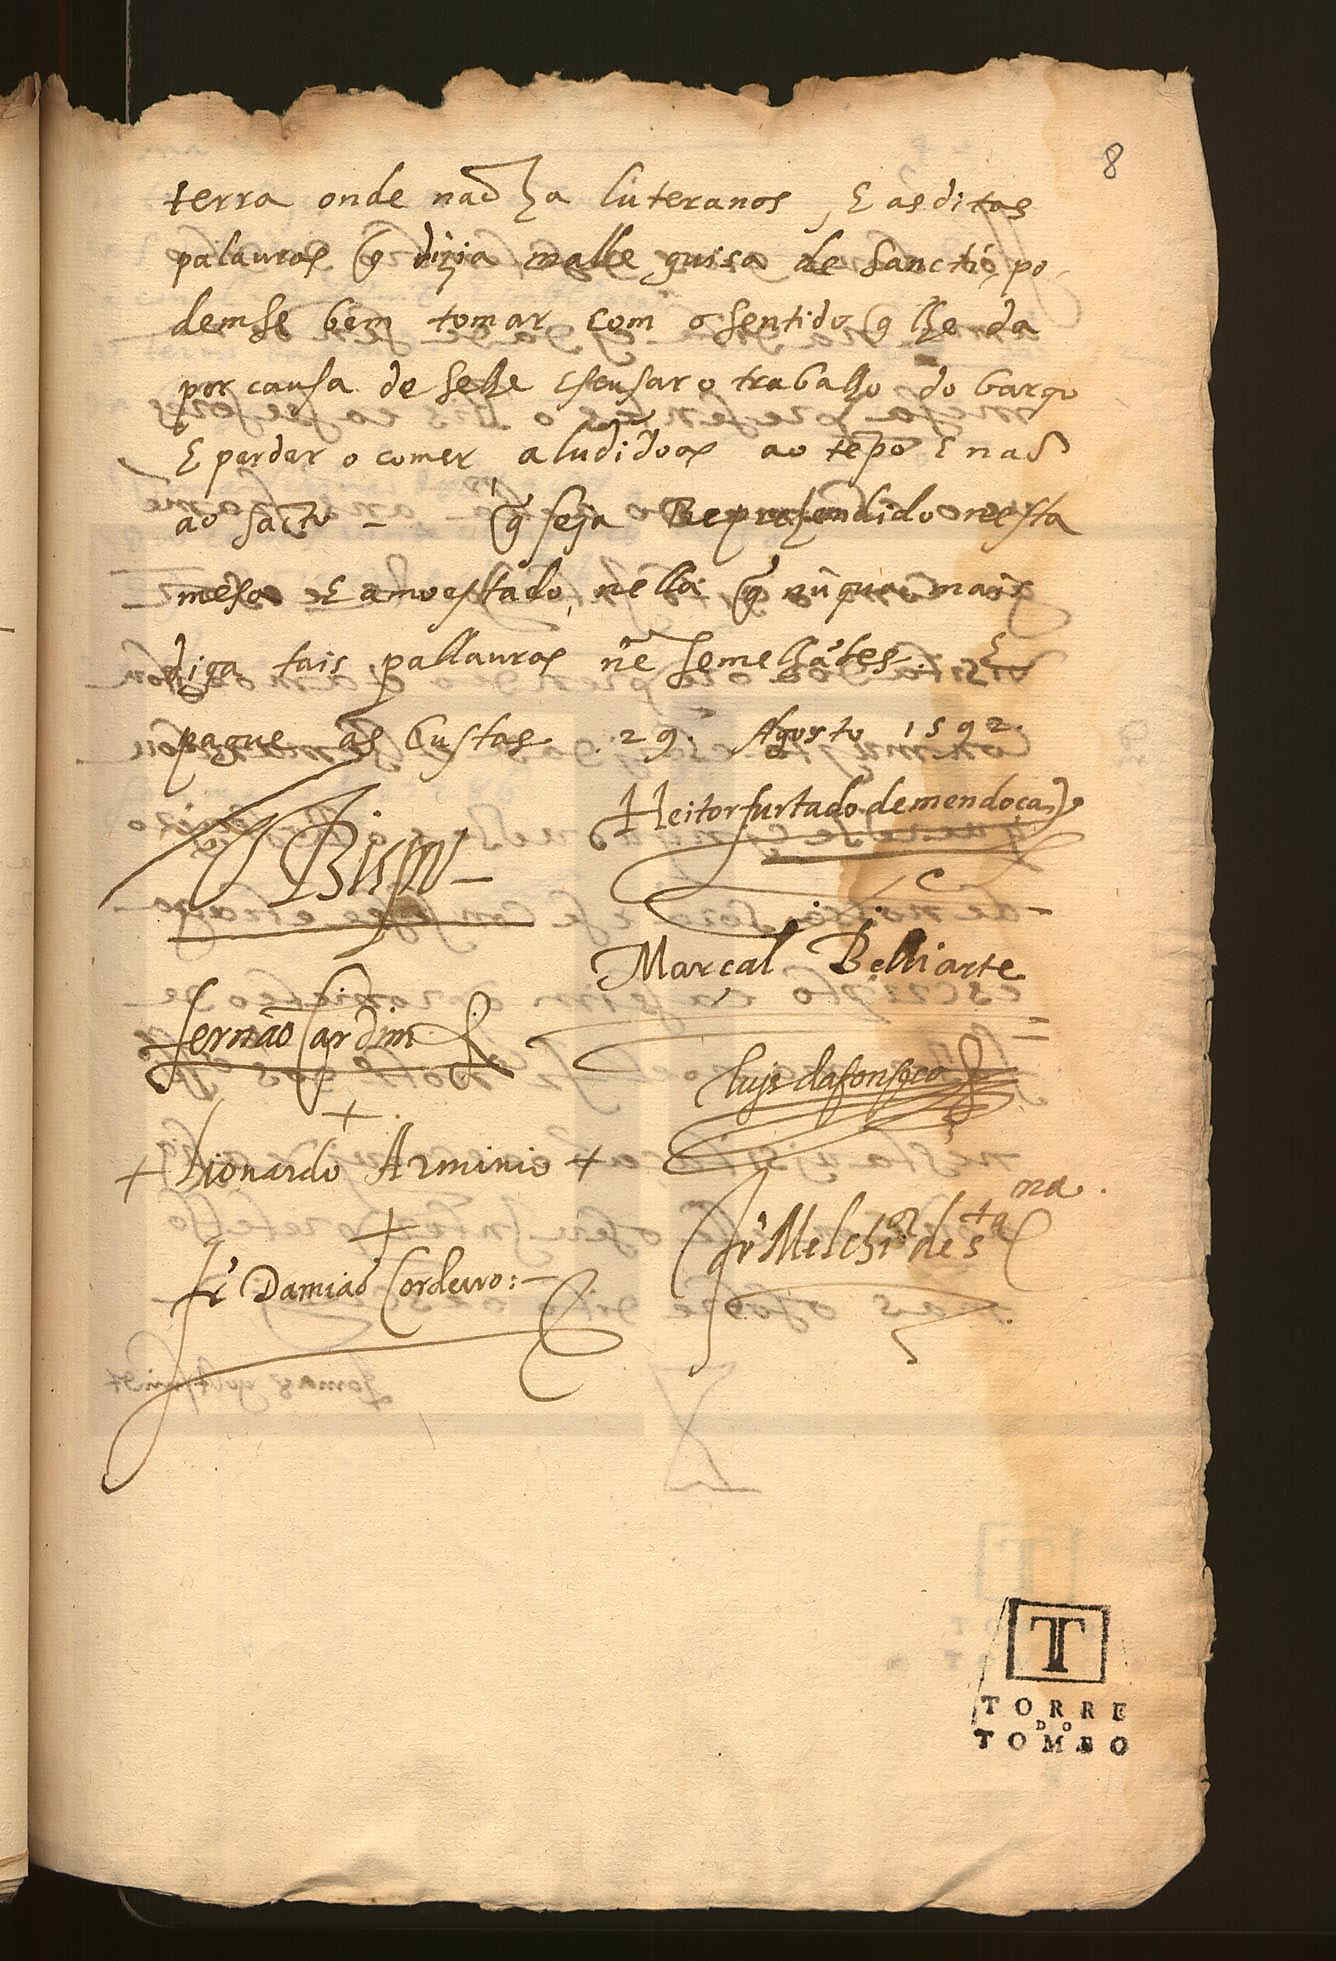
terra onde naõ ha luteranos, E as ditas
palauras q̄ dizia malle guisa de Sancti po
demse bem tomar com o sentido q̄ lhe da
por causa de se lhe Escusar o trabalho do barqo
E perder o comer aludīdoas ao tēpo E naõ
ao sācto - q̄ seja Reprehendido nesta
mesa E amoestado, nella q̄ nūqua mais
diga tais pallauras nē semelhātes. E
pague as Custas 29. Agosto 1592.
Heitor furtado de mendoça
O Bispo
Marçal Belliarte
fernaõ Cardim
lujs dafonseca
Lionardo Arminio
fr̄ Melchior de stana
fr̄ Damiaõ Cordeiro
